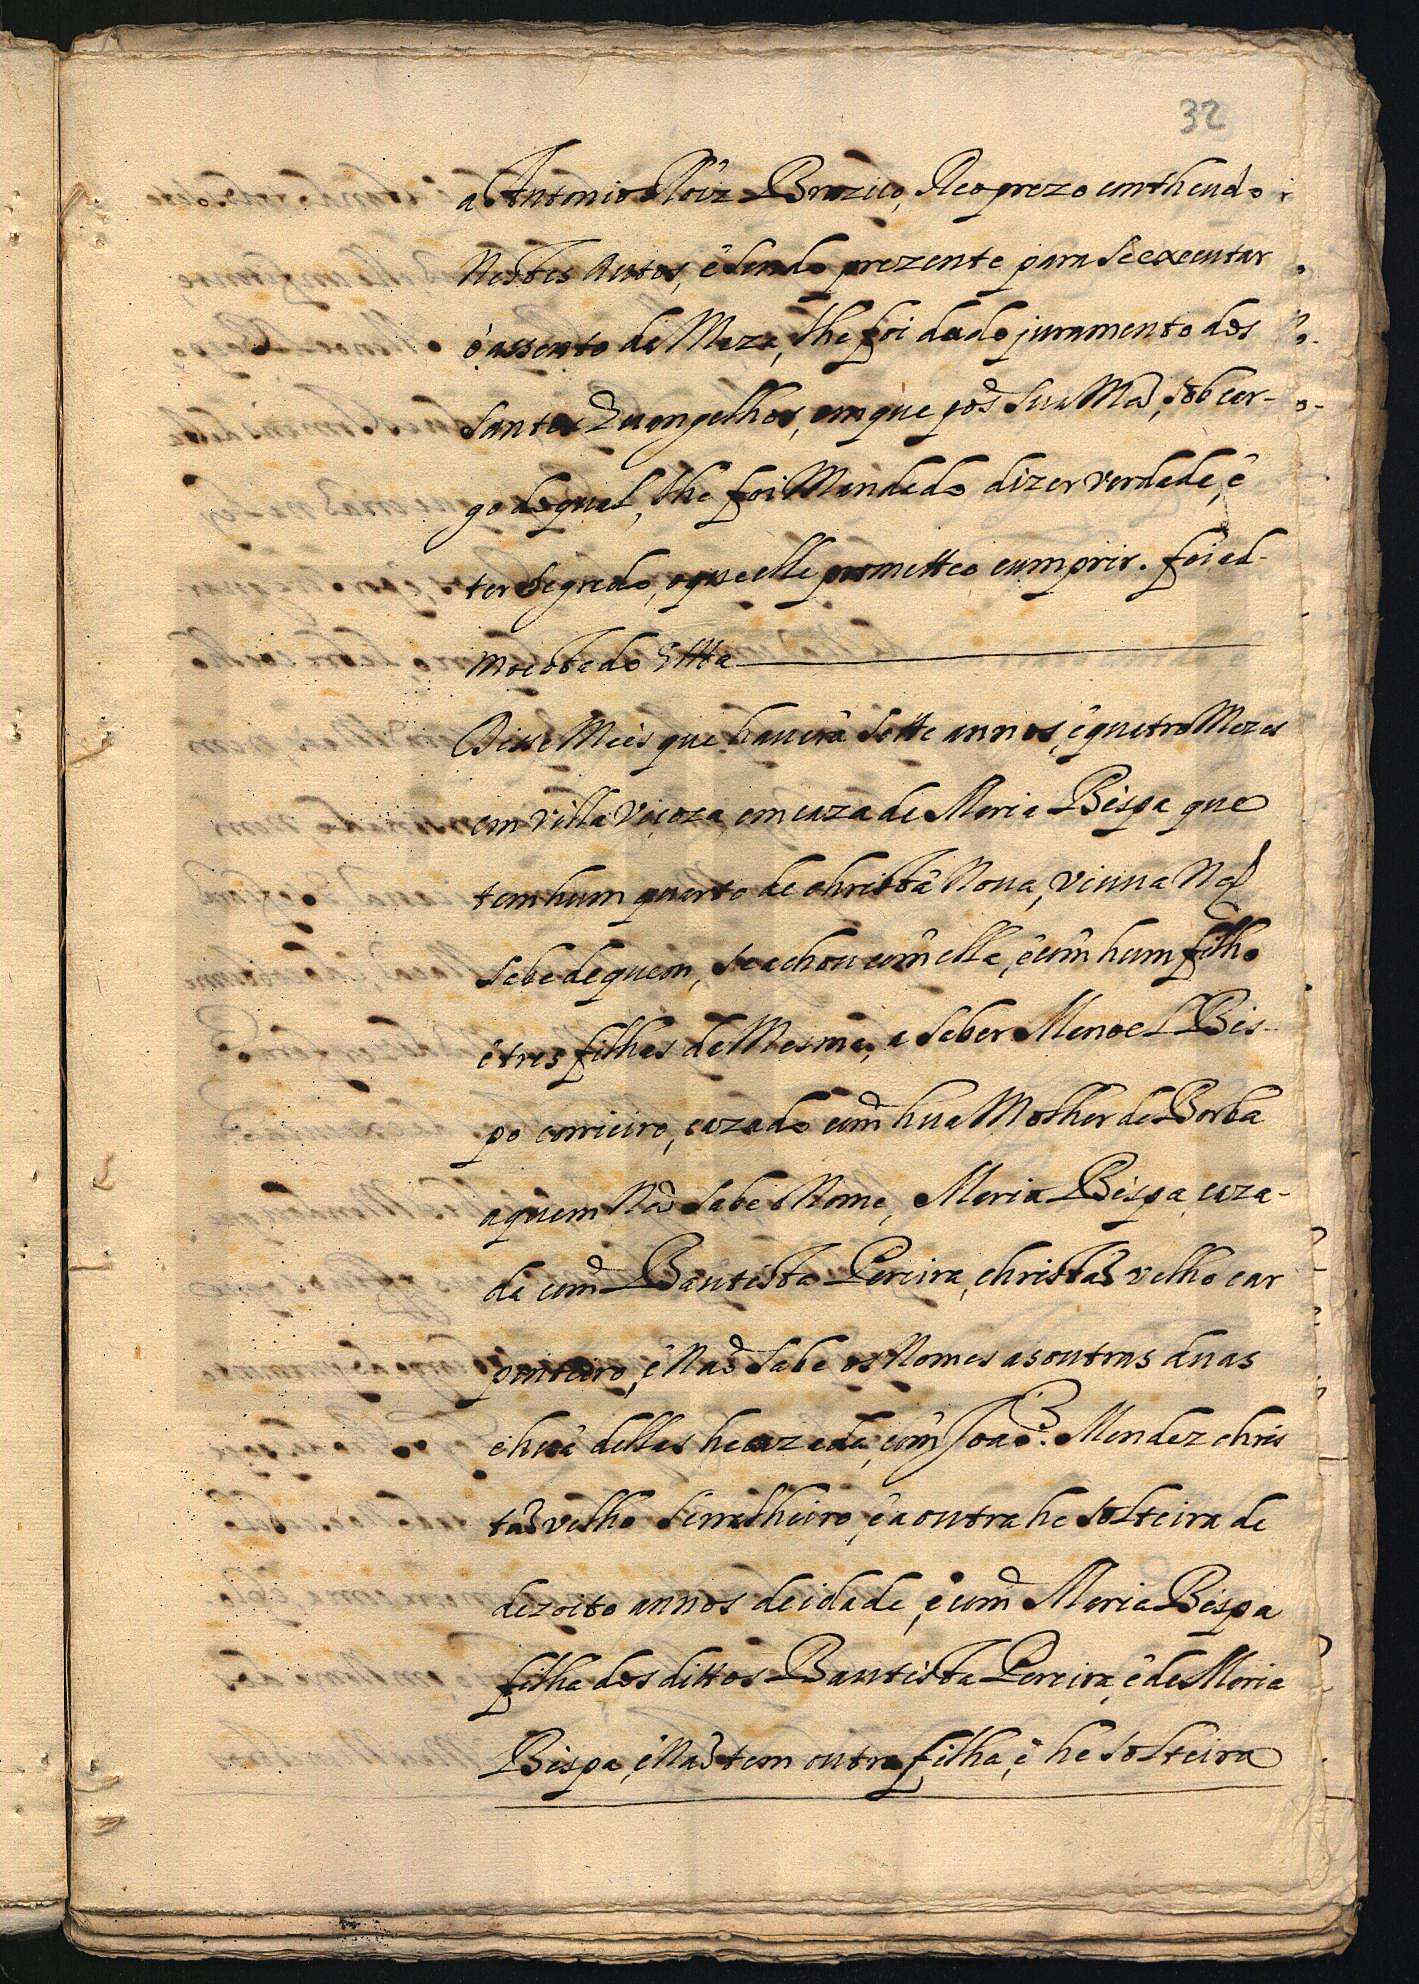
a Antonio Roiz̄ Br_zico, Reo prezo contheudo
Nestes autos, e sendo prezente para se executar
ó assento da Meza, lhe foi dado juramento dos
santos Euangelhos, em que pos̄ sua Mā, sob car
go do qual, lhe foi Mandado dizer verdade, e
ter segredo, o que elle prometteo cumprir. foi ad
moestado Ettta
Disse Mais que hauerá sette annos, e quatro Mezes
em villa Viçoza, em caza de Maria Bispa que
tem hum quarto de christā Noua, viuua Naõ
sabe de quem, se achou com̄ ella, e com̄ hum filho
e tres filhas da Mesma, a Saber ManoeL Bis
po corrieiro, cazado com̄ hua Molher de Borba
a quem Naõ sabe o Nome, Maria Bispa, caza
da com̄ Bautista Pereira, christaõ velho car
pinteiro, e Naõ Sabe os Nomes as outras duas
e huā dellas he cazada, com̄ Joaõ Mendez chris
taõ velho Serralheiro, e a outra he solteira de
dezoito annos de idade, e com̄ Maria Bispa
filha dos dittos Bautista Pereira, e de Maria
Bispa, e Naõ tem outr_ filha, e he solteira
